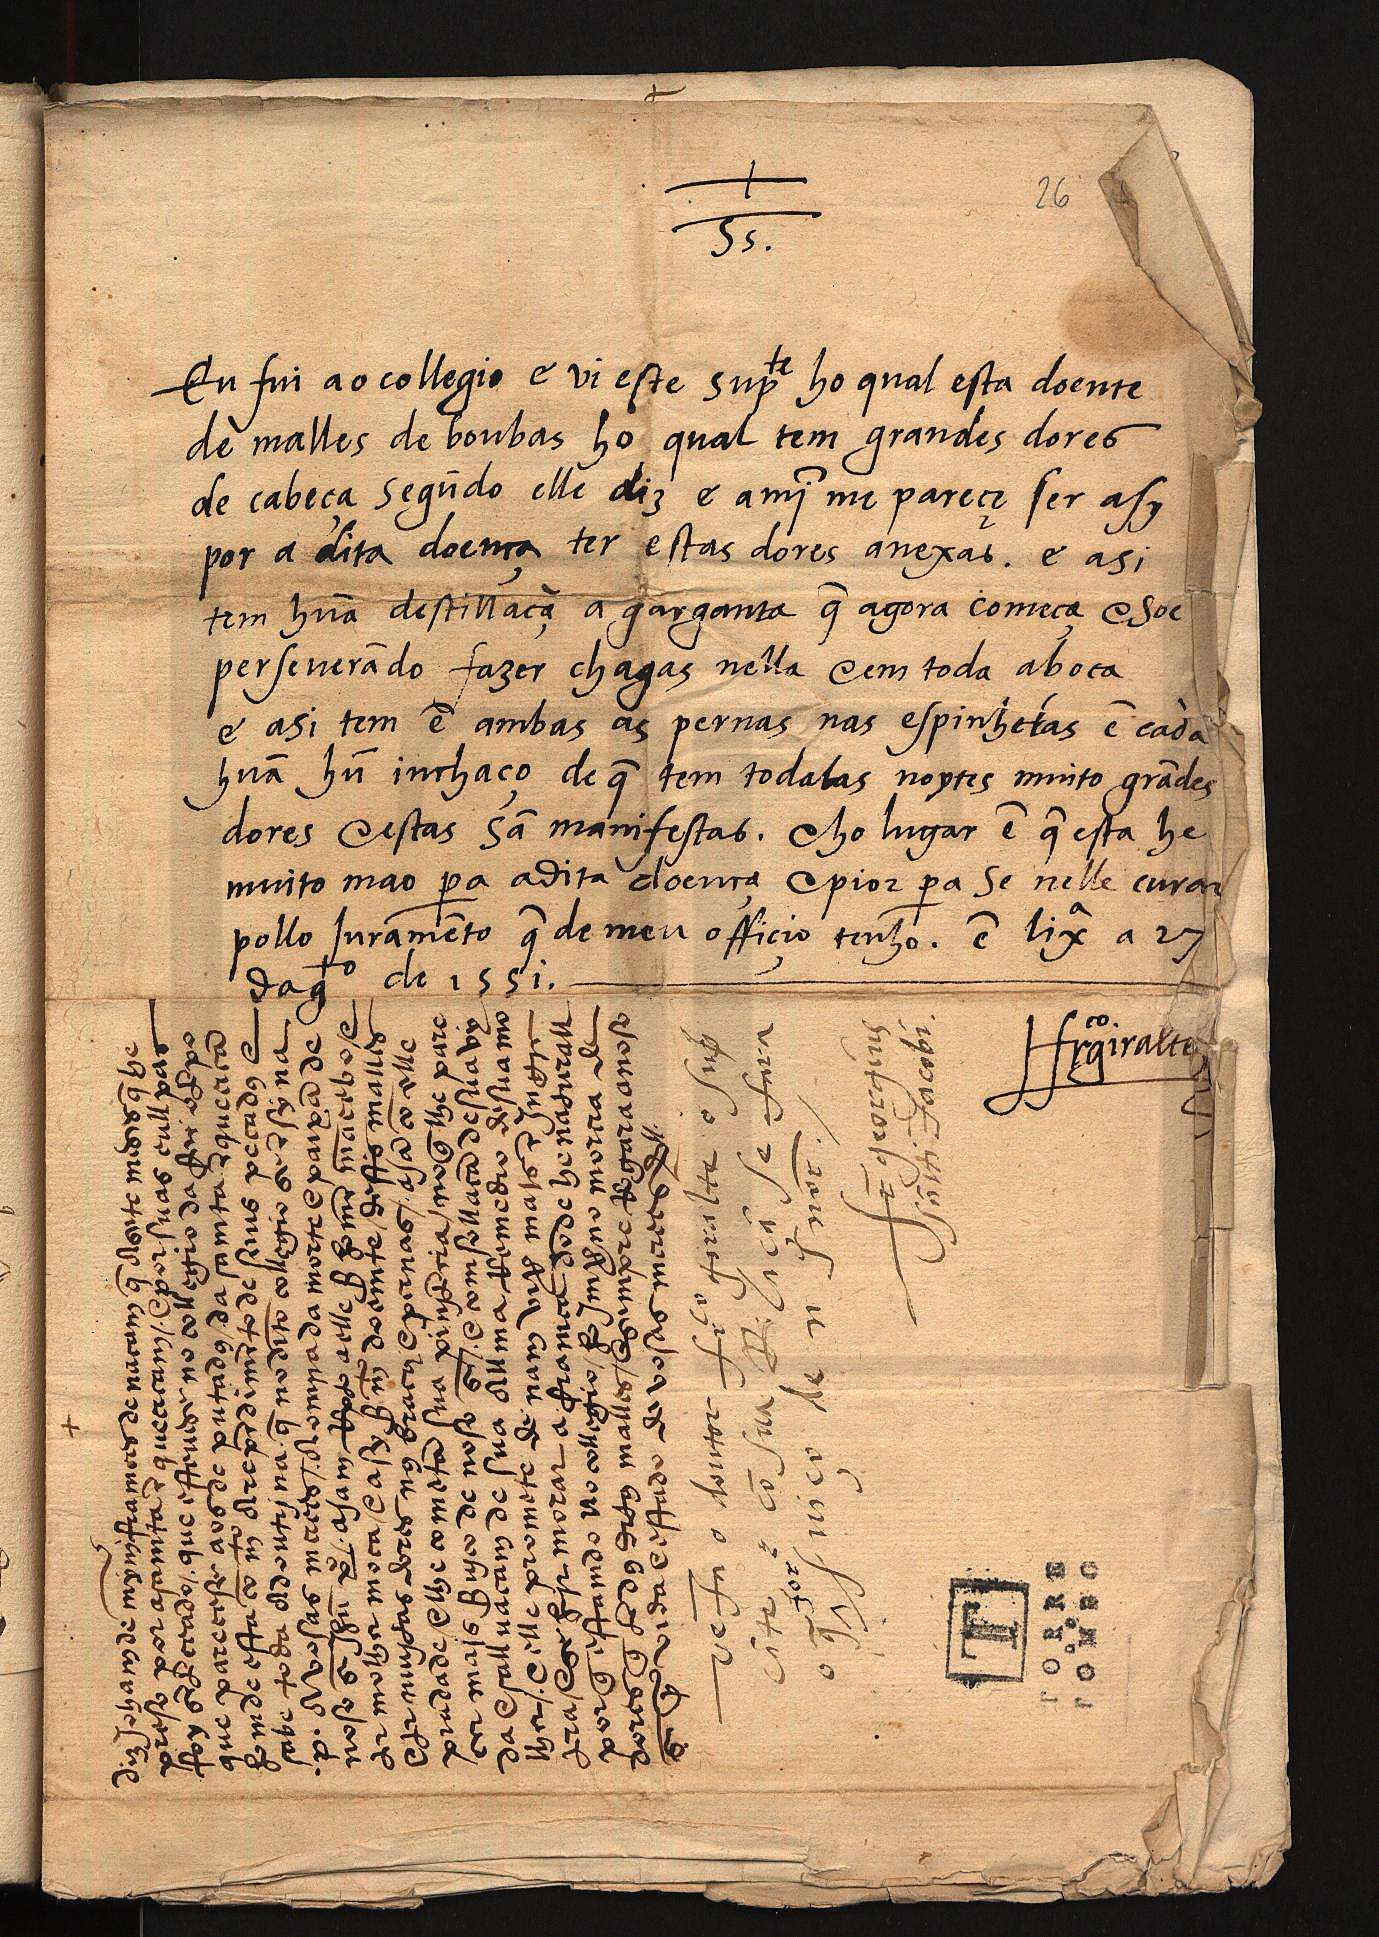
S̄s.
Eu fui ao collegio e vi este supte ho qual esta doente
de malles de boubas ho qual tem grandes dores
de cabeça segūdo elle diz e a mj̄ me parece ser asy
por a dita doença ter estas dores anexas. e asi
tem huā destillaçā a garganta q̄ agora começa e soo
perseuerādo fazer chagas nella e em toda a boca
e asi tem ē ambas as pernas nas espinhetas ē cada
huā hū inchaço de q̄ tem todalas noytes muito grādes
dores e estas Sā manifestas. e ho lugar ē q̄ esta he
muito mao ꝑa a dita doença e pior ꝑa se nelle curar
pollo Juramēto q̄ de meu officio tenho. ē lixa a 27
dagto de 1551.
frco giralte
